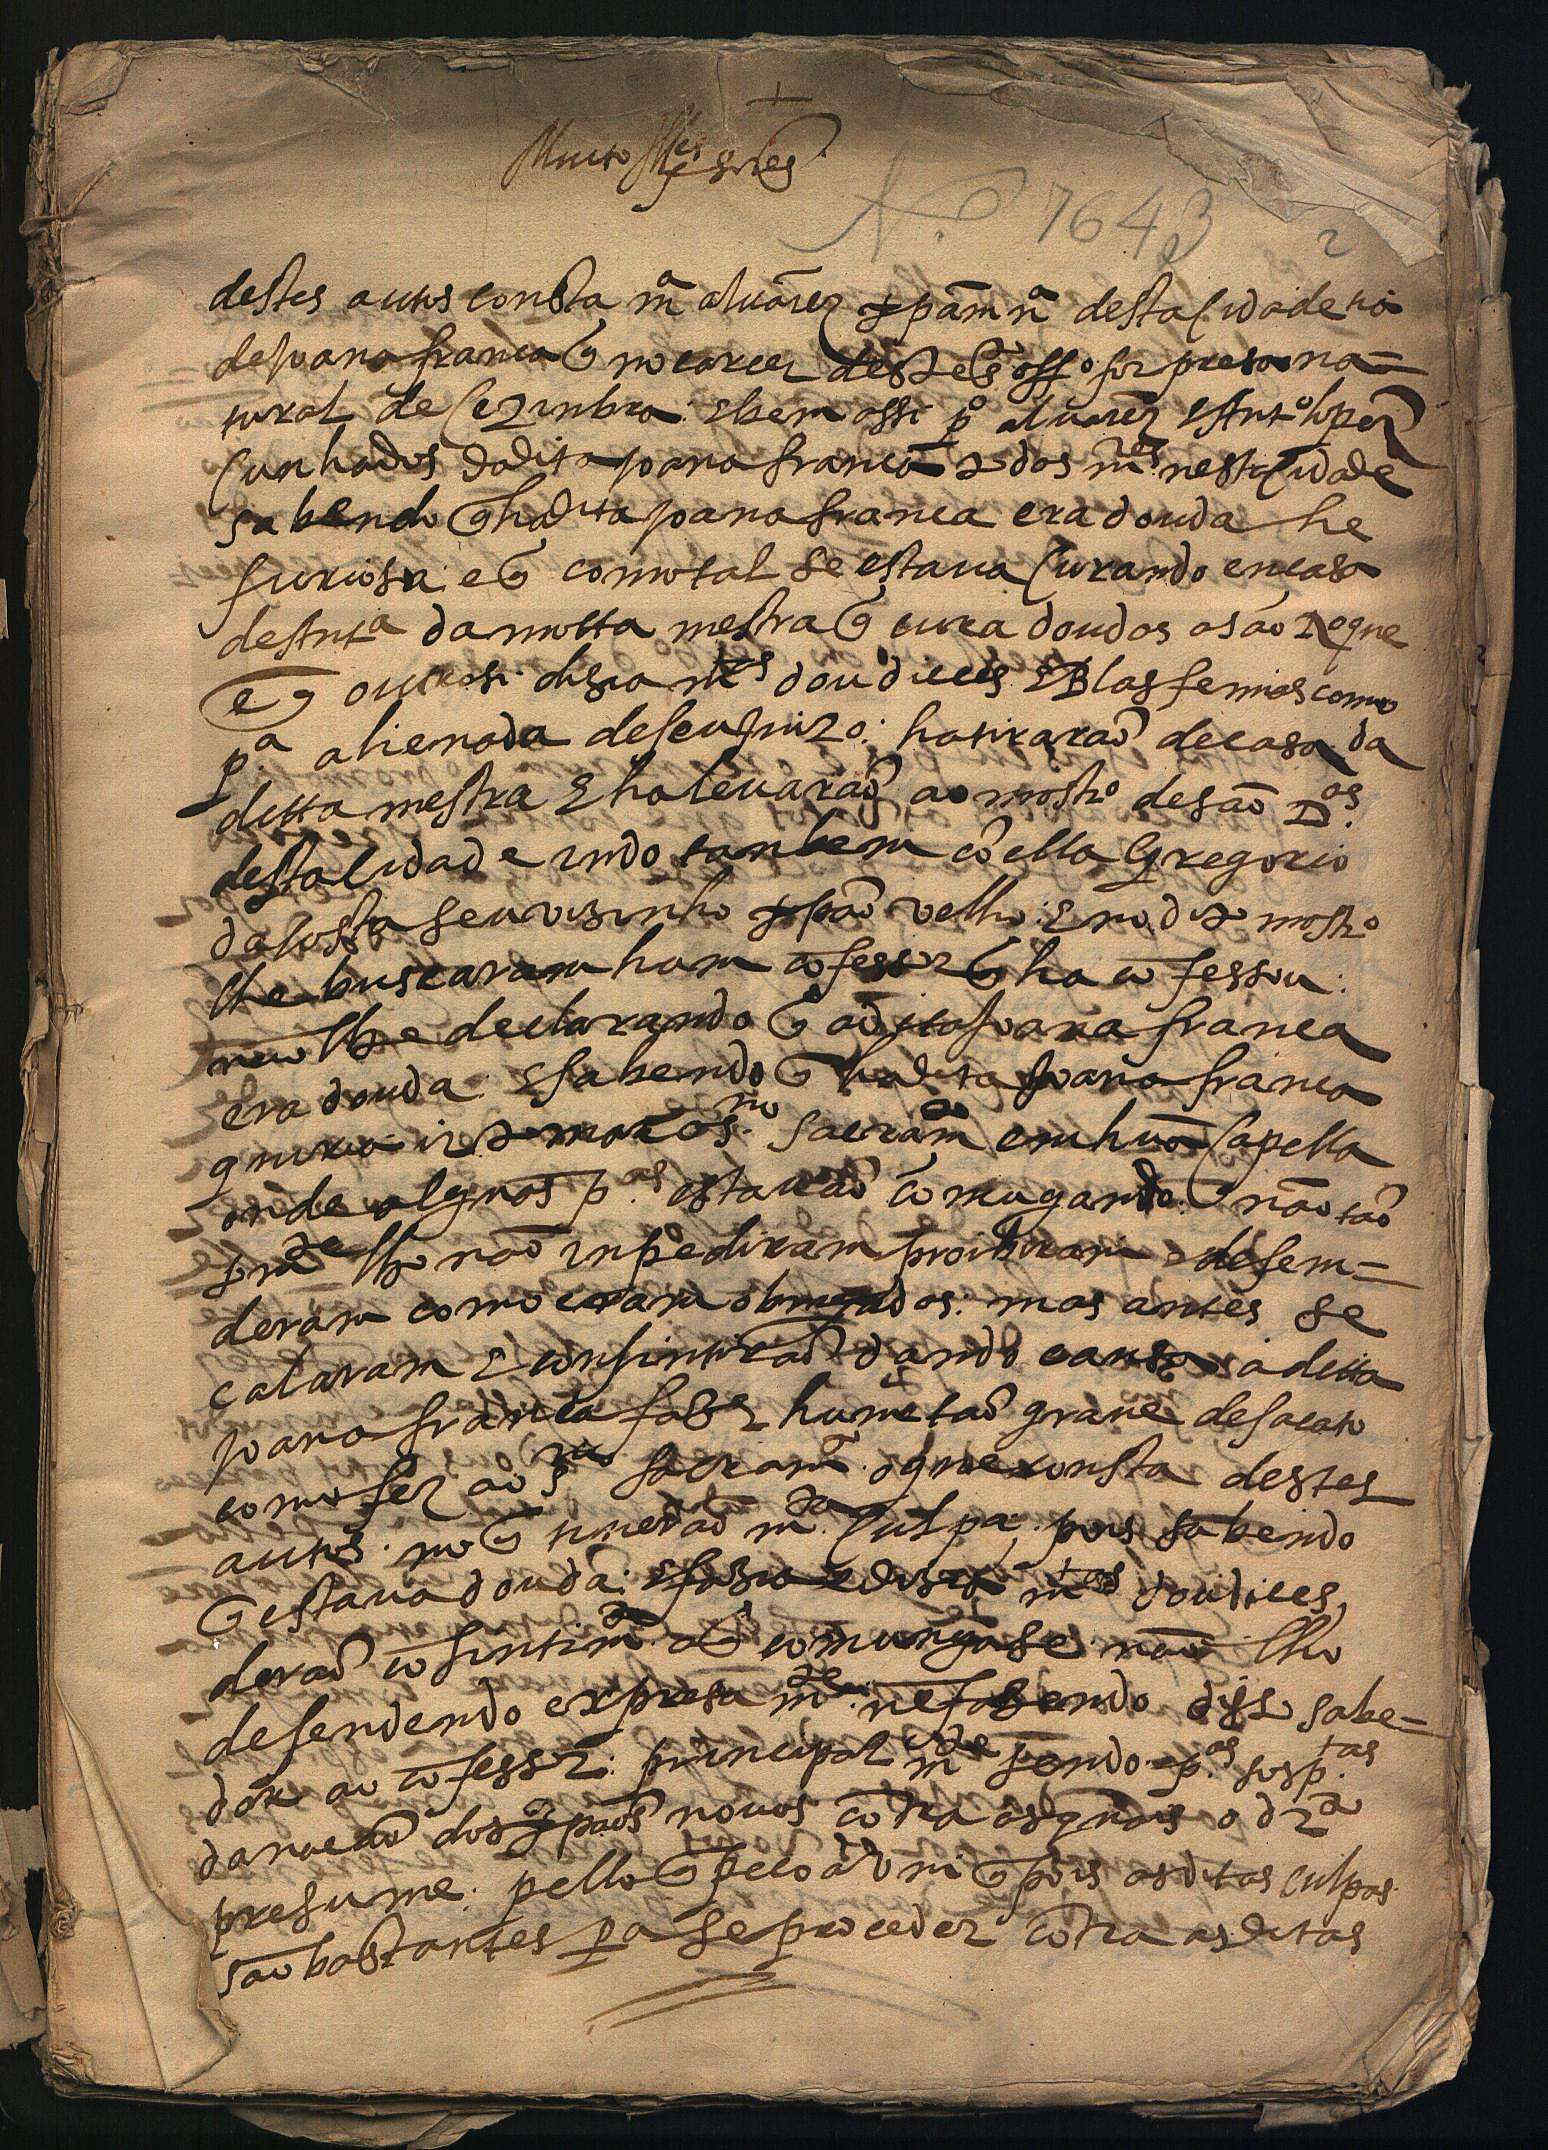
Muito Jlles sorēs
destes autos consta ma aluarez xpām na desta Cidade tia
de Joana franca q̄ no carcer deste sto offo foi presa na
tural de Cezimbra E bem assi po aluarez e Anto lopez
Cunhados da dita Joana franca todos mres nesta Cidade
sabendo q̄ ha dita Joana franca era douda he
furiosa e q̄ como tal se estaua Curando en casa
de Anta da motta mestra q̄ cura doudos a saõ Roque
e q̄ outrosi dizia mtas doudices E Blasfemias como
pa alienada de seu Juizo ha tiraraõ de casa da
ditta mestra E ha leuaraõ ao mostro de são Dos.
desta cidade indo tanbem cō ella Gregorio
da Costa seu vizinho xpão velho: E no dito mostro
lhe buscaram hum c̄ofessor q̄ ha cōfessou
naõ lhe declarando q̄ a dita Joana franca
era douda E sabendo q̄ ha dita Joana franca
quiria ir tomar o smo. sacramto em huā Capella
onde alguās pas estauão cōmugando não tão
somte lho naõ inpediram proibiram e defem
deram como eram obrigados: mas antes se
calaram E consintiraõ dando causa a ditta
Joana franca fazer hum taõ graue desacato
como fez ao smo sacramto. o que consta destes
autos. no que tiueraõ mta Culpa pois sabendo
q̄ estaua douda E fazia e dizia mtas doudices,
deraõ cōsintimto a q̄ comungase não lho
defendendo expresamte. nē fasendo disso sabe
dor ao cōfessor principalmte sendo pas sosptas
da naçaõ dos xpaõs nouos c̄otra as quais o drto
presume: pello q̄ peço a v m q̄ pois as ditas culpas
são bastantes ꝑa se proceder c̄otra as ditas
